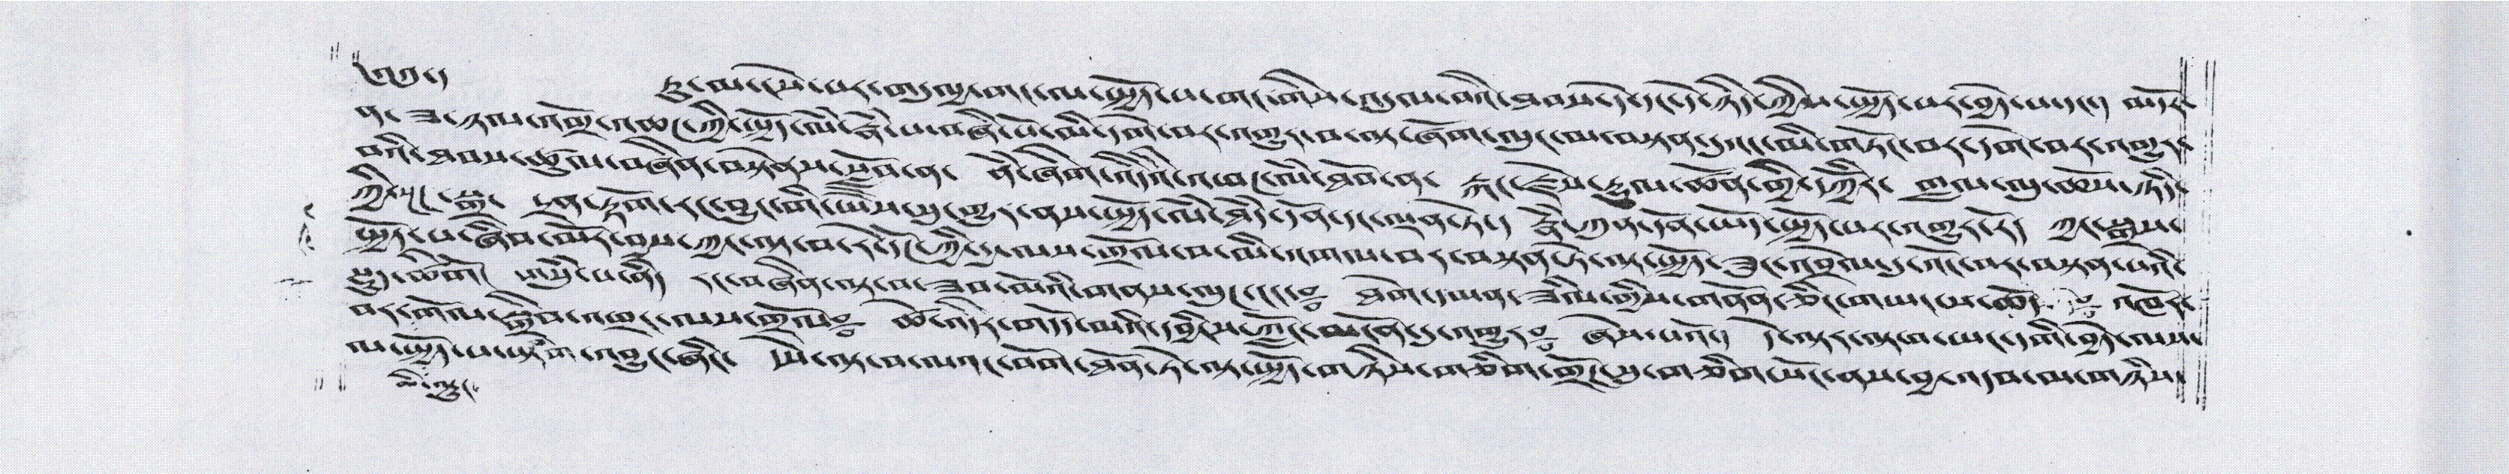ཏུ་མ་ངེས་པར་གདུལ་བྱ་གང་ལ་སྤྱོད་པ་གང་གིས་འདུལ་བའི་ཐབས་དེ་དང་དེ་ཉིད་ཀྱིས་སྤྱོད་པར་བྱེད་པ་དང་། མདོར་
ན་ཟ་ཉལ་འགྲོ་འཆག་གི་སྤྱོད་པའི་རྣམ་པ་བཞི་པོ་མི་དགེ་བ་འགྱུར་བ་ལྟ་ཞོག ལུང་མ་བསྟན་དུའང་མི་གཏོང་བར་དགེ་བར་འགྱུར་
བའི་ཐབས་ཚུལ་བཞིན་བསྟེན་ནས་སློབ་ན། ནམ་ཞིག་འདིའི་འཕགས་ལམ་ཐོབ་ན་རྐང་རྗེས་རྡུལ་ཚོན་གྱི་དཀྱིལ་འཁོར། གླལ་ལུ་ཆོས་ཉིད་
ཀྱི་སྔགས་སྒྲ། དྲན་རྟོག་རང་བྱུང་གི་ཡེ་ཤེས་སུ་གྱུར་ནས་སྤྱོད་ལམ་ཐམས་ཅད་དོན་དང་ལྡན་ཏེ། རྣམ་ཀུན་དོན་ཡོད་སྤྱོད་པར་འགྱུར་རོ། ཀྱང་སྒྲས་
སྤྱོད་པ་ཞིབ་མོར་བྱས་ཀྱང་ལྟ་བ་རེ་དྭོགས་ཀྱི་རྒྱ་ལས་གྲོལ་བ་མི་འགལ་བར་བསྟན་ཏེ་ལྟ་སྤྱོད་ཟུང་འབྲེལ་དུ་འོང་བར་བསྟན་པའི་
སྡུད་ཚིག་གོ གསུམ་པ་ནི། རང་བཞིན་ལྟ་བ་ཟབ་མོའི་གནས་ལུགས་ངངཿ ཐེག་དམན་ཟིལ་གྱིས་གནོན་ཅིང་གཡང་ས་ཆོདཿ འཁོར་
བར་མི་ལྟུང་གོལ་སྒྲིབ་འཕྲང་ལས་གྲོལཿ ཚེ་འདིར་གདོད་མའི་དབྱིངས་ཀློང་མངོན་དུ་འགྱུརཿ ཞེས་པའོ། དེ་ལྟར་ལྟ་བ་ཡང་དག་གི་བྱེད་ལས་
ལ་སྤྱོད་པ་ཡང་དག་འབྱུང་ཞིང་། དེས་ལྟ་བ་ལའང་བོགས་ཐོན་ཏེ་ལྟ་སྤྱོད་གཉིས་གཅིག་གྲོགས་སུ་གཅིག་སོང་ནས་བྱ་འདབ་མ་གཉིས་